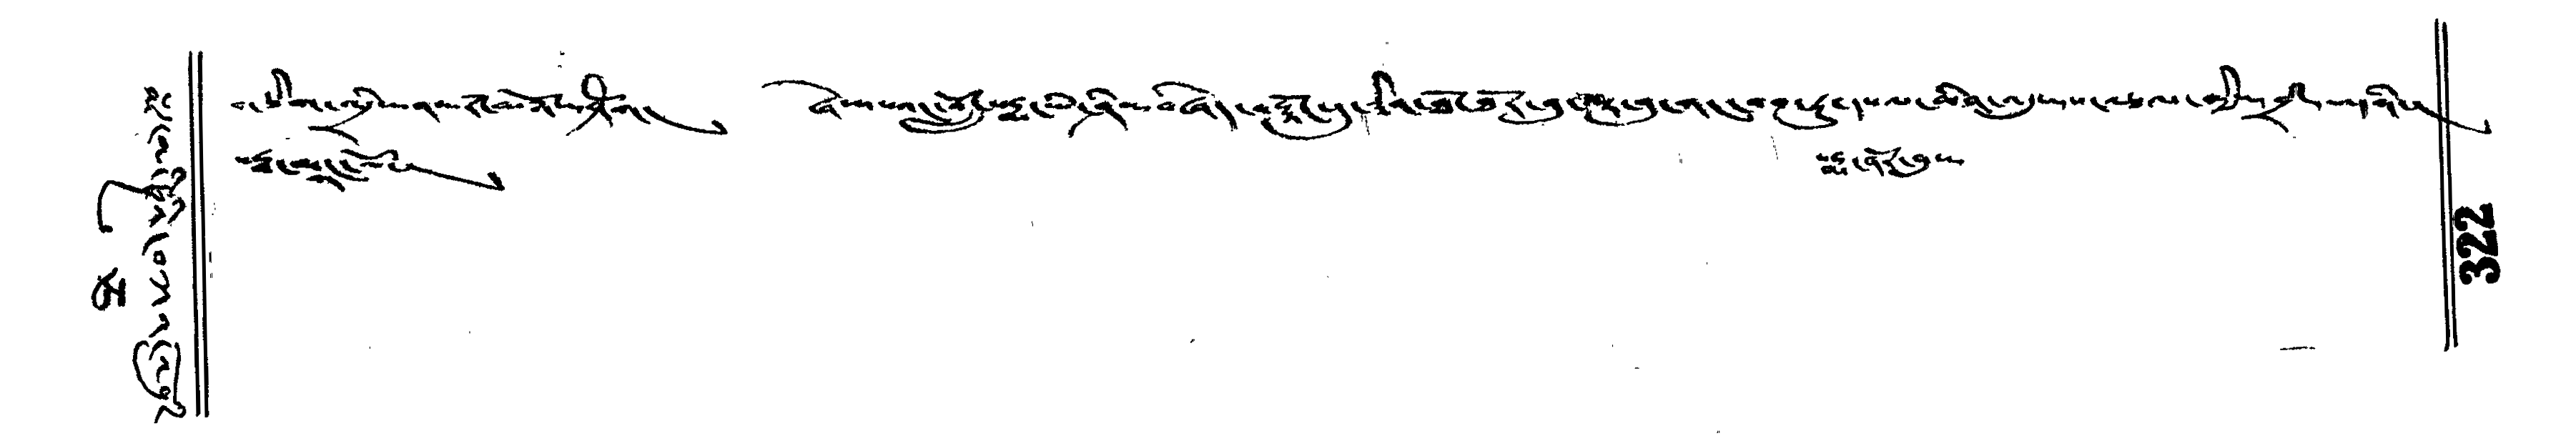གཅིག་འདྲེས་ནས་རོ་མཉམ་ཤོག ཅེས་པའང་བླ་མ་པདྨ་ཡེ་ཤེས་ཀྱི་བཞེད་སྐོང་དུ་ཟིན་ཐོ་འཐོར་བུ་ལྟ་བུ་གང་བབ་ཏུ་དཔལ་ཆེན་འདུས་པ་རྩལ་ཀྱིས་བྲིས་པ་དགེ།
སརྦ་མངྒ་ལམ།།